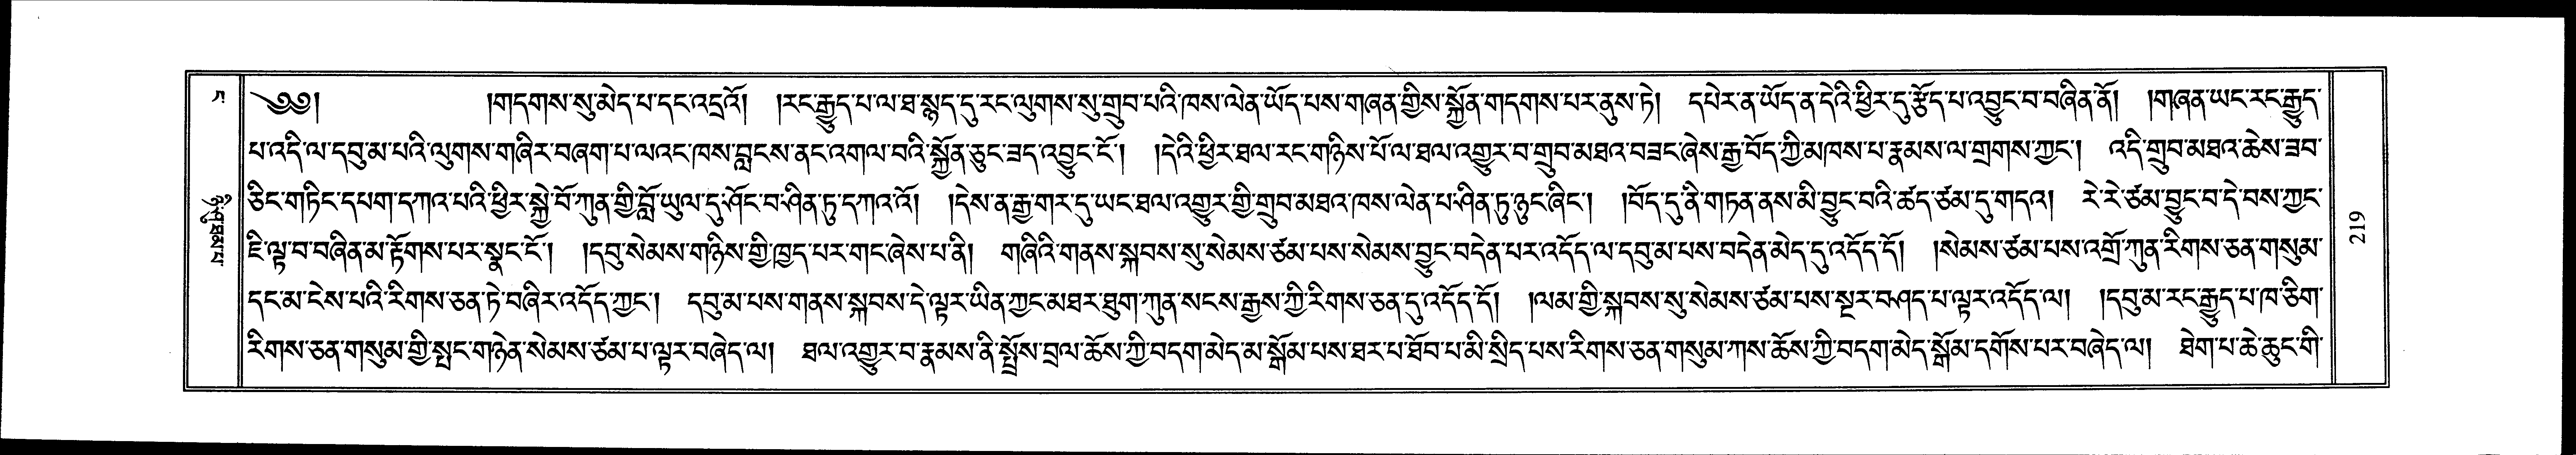༄༅། །གདགས་སུ་མེད་པ་དང་འདྲའོ། །རང་རྒྱུད་པ་ལ་ཐ་སྙད་དུ་རང་ལུགས་སུ་གྲུབ་པའི་ཁས་ལེན་ཡོད་པས་གཞན་གྱིས་སྐྱོན་གདགས་པར་ནུས་ཏེ། དཔེར་ན་ཡོད་ན་དེའི་ཕྱིར་དུ་རྩོད་པ་འབྱུང་བ་བཞིན་ནོ། །གཞན་ཡང་རང་རྒྱུད་
པ་འདི་ལ་དབུ་མ་པའི་ལུགས་གཞིར་བཞག་པ་ལའང་ཁས་བླངས་ནང་འགལ་བའི་སྐྱོན་ཅུང་ཟད་འབྱུང་ངོ། །དེའི་ཕྱིར་ཐལ་རང་གཉིས་པོ་ལ་ཐལ་འགྱུར་བ་གྲུབ་མཐའ་བཟང་ཞེས་རྒྱ་བོད་ཀྱི་མཁས་པ་རྣམས་ལ་གྲགས་ཀྱང་། འདི་གྲུབ་མཐའ་ཆེས་ཀྱང་
ཅིང་གཏིང་དཔག་དཀའ་པའི་ཕྱིར་སྐྱེ་བོ་ཀུན་གྱི་བློ་ཡུལ་དུ་ཤོང་བ་ཤིན་ཏུ་དཀའ་འོ། །དེས་ན་རྒྱ་གར་དུ་ཡང་ཐལ་འགྱུར་གྱི་གྲུབ་མཐའ་ཁས་ལེན་པ་ཤིན་ཏུ་ཉུང་ཞིང་། །བོད་དུ་ནི་གཏན་ནས་མི་བྱུང་བའི་ཚད་ཙམ་དུ་གདའ། རེ་རེ་ཙམ་བྱུང་བ་དེ་བས་ཀྱང་
ཇི་ལྟ་བ་བཞིན་མ་རྟོགས་པར་སྣང་ངོ། །དབུ་སེམས་གཉིས་གྱི་ཁྱད་པར་གང་ཞེས་པ་ནི། གཞིའི་གནས་སྐབས་སུ་སེམས་ཙམ་པས་སེམས་བྱུང་བདེན་པར་འདོད་ལ་དབུ་མ་པས་བདེན་མེད་དུ་འདོད་དོ། །སེམས་ཙམ་པས་འགྲོ་ཀུན་རིགས་ཅན་གསུམ་
དང་མ་ངེས་པའི་རིགས་ཅན་ཏེ་བཞིར་འདོད་ཀྱང་། དབུ་མ་པས་གནས་སྐབས་དེ་ལྟར་ཡིན་ཀྱང་མཐར་ཐུག་ཀུན་སངས་རྒྱས་ཀྱི་རིགས་ཅན་དུ་འདོད་དོ། །ལམ་གྱི་སྐབས་སུ་སེམས་ཙམ་པས་སྔར་བཤད་པ་ལྟར་འདོད་ལ། །དབུ་མ་རང་རྒྱུད་པ་ཁ་ཅིག་
རིགས་ཅན་གསུམ་གྱི་སྤང་གཉེན་སེམས་ཙམ་པ་ལྟར་བཞེད་ལ། ཐལ་འགྱུར་བ་རྣམས་ནི་སྤྲོས་བྲལ་ཆོས་ཀྱི་བདག་མེད་མ་སྒོམ་པས་ཐར་པ་ཐོབ་པ་མི་སྲིད་པས་རིགས་ཅན་གསུམ་ཀས་ཆོས་ཀྱི་བདག་མེད་སྒོམ་དགོས་པར་བཞེད་ལ། ཐེག་པ་ཆེ་ཆུང་གི་